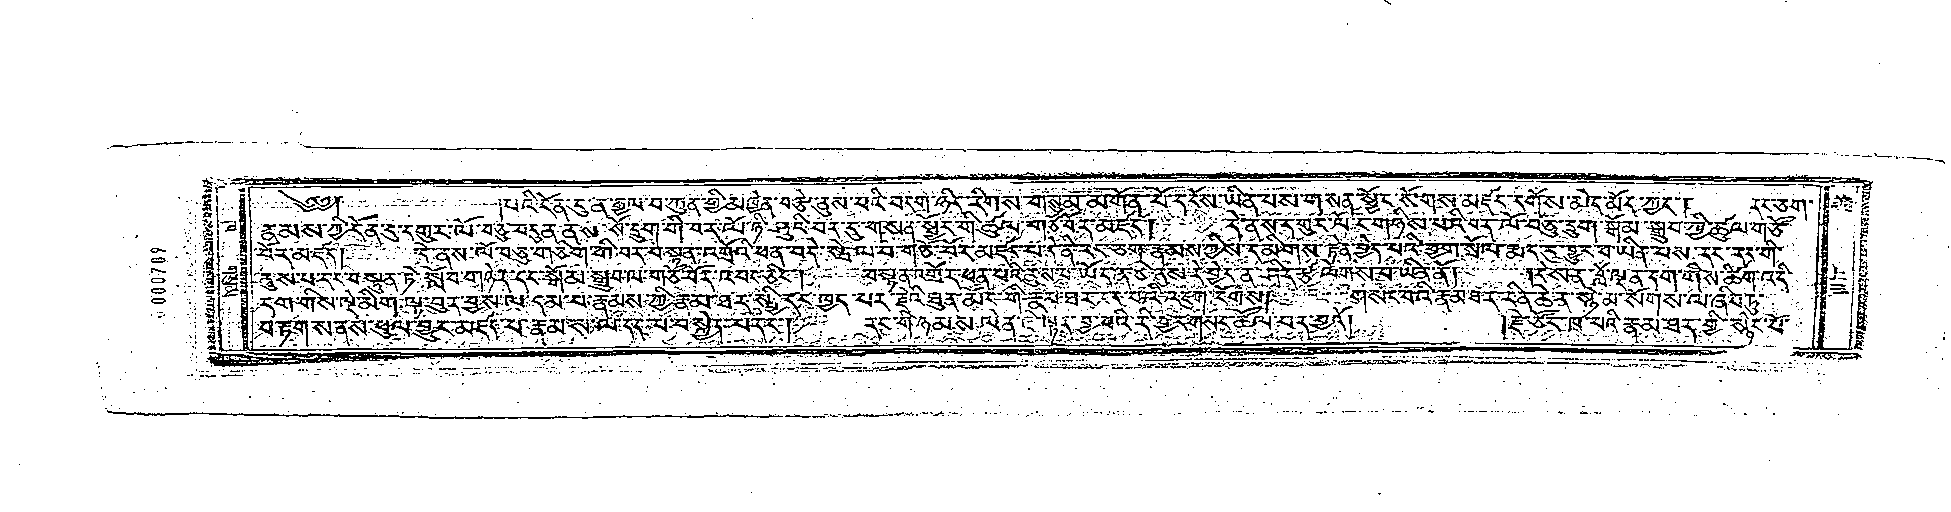༄༅། །པའི་དོན་དུ་ན་རྒྱལ་བ་ཀུན་གྱི་མཁྱེན་བརྩེ་ནུས་པའི་བདག་ཉིད་རིགས་གསུམ་མགོན་པོ་དངོས་ཡིན་པས་གསན་སྦྱོང་སོགས་མཛད་དགོས་མེད་མོད་ཀྱང་། རང་ཅག་
རྣམས་ཀྱི་དོན་དུ་དགུང་ལོ་བཅུ་བདུན་ནས་སོ་དྲུག་གི་བར་ལོ་ཉི་ཤུའི་བར་དུ་གསན་སྦྱོང་གི་ཚུལ་གཙོ་བོར་མཛད། དེ་ནས་དགུང་ལོ་ང་གཉིས་པའི་པར་ལོ་བཅུ་དྲུག་སྒོམ་སྒྲུབ་ཀྱི་ཚུལ་གཙོ་
པོར་མཛད། དེ་ནས་ལོ་བཅུ་གཅིག་གི་བར་བསྟན་འགྲོའི་ཕན་བདེ་སྤེལ་བ་གཙོ་བོར་མཛད་པ་དེ་ནི་རང་ཅག་རྣམས་ཀྱིས་དམིགས་རྟེན་བྱེད་པའི་ཕྱག་སྲོལ་རྨད་དུ་བྱུང་བ་ཡིན་པས་རང་རང་གི་
ནུས་པ་དང་བསྟུན་ཏེ་སློབ་གཉེར་དང་སྒོམ་སྒྲུབ་ལ་གཙོ་བོར་འབང་ཅིང་། བསྟན་འགྲོར་ཕན་པའི་རུས་པ་ཡོད་ན་ཅེ་ནུས་རེ་བྱེད་ན་ཤིར་རྩ་ལེགས་པ་ཡིན་ནོ། །དེས་ན་བློ་ལྡན་དག་གིས་ཚིག་འདི་
དག་གིས་ལྡེ་མིག་ལྟ་བུར་བྱས་ལ་དམ་པ་རྣམས་ཀྱི་རྣམ་ཐར་སྤྱི་དང་ཁྱད་པར་རྗེའི་ཐུན་མོང་གི་རྣམ་ཐར་དད་པའི་འཇུག་ངོགས། གསང་བའི་རྣམ་ཐར་རིན་ཆེན་སྙེ་མ་སོགས་ལ་ཞིབ་ཏུ་
བརྟགས་ནས་ཕུལ་བྱུང་མཛད་པ་རྣམས་ལ་དད་པ་བསྐྱེད་པ་དང་། རང་གི་ཉམས་ལེན་ཇི་ལྟར་བྱ་བའི་རི་བྱང་གསང་ཚོལ་བར་བྱའོ། །རྗེ་ཙོང་ཁ་པའི་རྣམ་ཐར་གྱི་སྙིང་པོ་